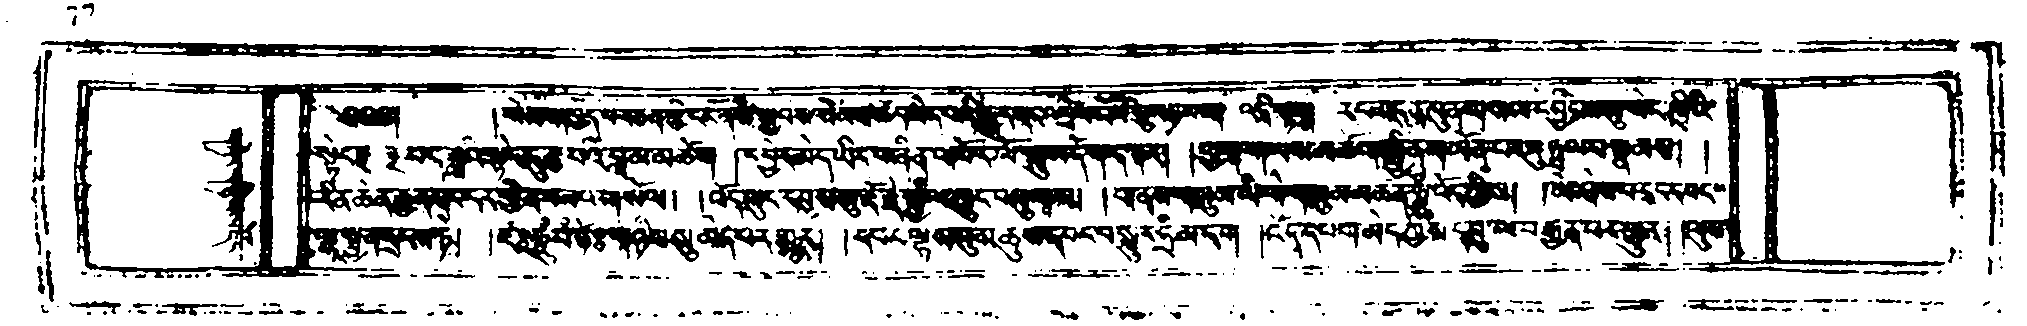༄༅༅། །སེམས་ཁྱད་པར་ཅན་གྱི་ངང་ནས་སྐྱབས་སེམས་ཚད་མེད་བཞི་རྒྱུད་དང་འདྲེས་ངེས་སུ་བཏང་ལ། འདི་ལྟར། རང་མདུན་ཀུན་གསལ་དབྱིངས་སུ་སེང་ཁྲིའི་
སྟེང༑ ༑པད་ཟླའི་སྟེང་དུ་རྩ་བའི་བླ་མ་མཆོག །དབྱེར་མེད་ཡིད་བཞིན་འཁོར་ལོ་སྐུ་མདོག་དཀར། །ཕྱག་གཡས་མཆོག་སྦྱིན་གཡོན་པ་ཨུཏྤལ་བསྣམས། །
རིན་ཆེན་རྒྱན་དང་དར་གྱི་ན་བཟའ་གསོལ། །འོད་ཕུང་དབུས་སུ་རྡོ་རྗེ་སྐྱིལ་ཀྲུང་བཞུགས། །གནས་གསུམ་ཡི་གེ་གསུམ་མཚན་ཧཱུཾ་འོད་ཀྱིས། །ཡེ་ཤེས་པ་དང་དབང་
ལྷ་སྤྱན་དྲངས་ཏེ། །ཛཿ ཧཱུཾ་བཾ་ཧོཿ གཉིས་སུ་མེད་པར་གྱུར། །དབང་ལྷས་བུམ་ཆུས་དབང་བསྐུར་དྲི་མ་དག །འོད་དཔག་མེད་ཀྱིས་དབུ་ལ་བརྒྱན་པར་གྱུར། །ལུས་